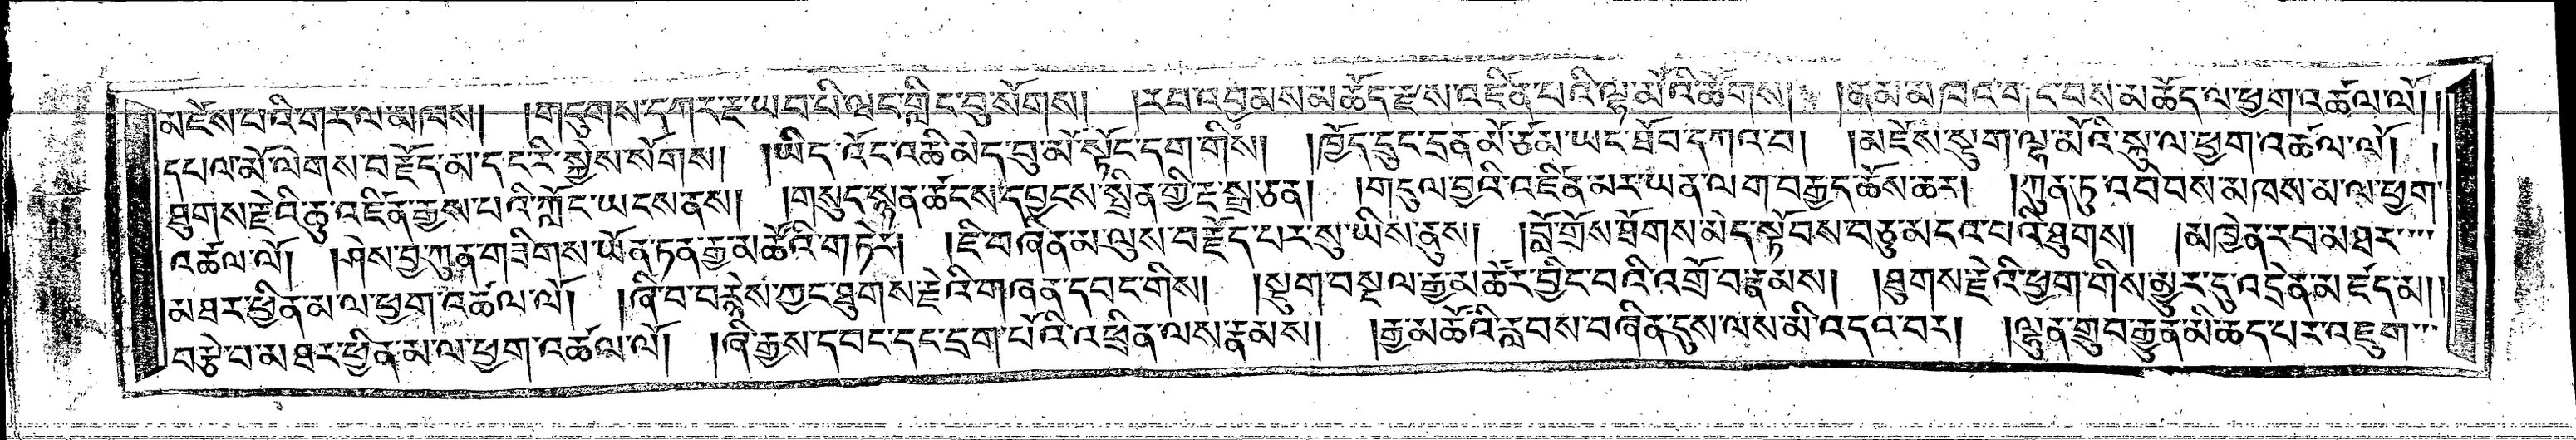མཛེས་པའི་གར་ལ་མཁས། །གདུགས་དཀར་རྔ་ཡབ་པོ་ཝང་གླིང་བུ་སོགས། །རབ་འབྱམས་མཆོད་རྫས་འཛིན་པའི་ལྷ་མོའི་ཚོགས། །ནམ་མཁའ་གང་བས་མཆོད་ལ་ཕྱག་འཚལ་ལོ། །
དཔལ་མོ་ལེགས་བརྗོད་མ་དང་རི་སྐྱེས་སོགས། །ཡིད་འོང་འཆི་མེད་བུ་མོ་སྟོང་དག་གིས། །ཁྱོད་དྲུང་དྲན་མོ་ཙམ་ཡང་ཐོབ་དཀའ་བ། །མཛེས་སྡུག་ལྷ་མོའི་སྐུ་ལ་ཕྱག་འཚལ་ལོ། །
ཐུགས་རྗེའི་ཆུ་འཛིན་རྒྱས་པའི་ཀློང་ཡངས་ནས། །གསུང་སྙན་ཚངས་དབྱངས་སྤྲིན་གྱི་རྔ་སྒྲ་ཅན། །གདུལ་བྱའི་འཛིན་མར་ཡན་ལག་བརྒྱད་ཆོས་ཆར། །ཀུན་ཏུ་འབེབས་མཁས་མ་ལ་ཕྱག་
འཚལ་ལོ། །ཤེས་བྱ་ཀུན་གཟིགས་ཡོན་ཏན་རྒྱ་མཚོའི་གཏེར། །ཇི་བཞིན་མ་ལུས་བརྗོད་པར་སུ་ཡིས་ནུས། །བློ་གྲོས་ཐོགས་མེད་སྟོབས་བཅུ་མངའ་པའི་ཐུགས། །མཁྱེན་རབ་མཐར་
མཐར་ཕྱིན་མ་ལ་ཕྱག་འཚལ་ལོ། །ཞི་བ་བརྙེས་ཀྱང་ཐུགས་རྗེའི་གཞན་དབང་གིས། །སྡུག་བསྔལ་རྒྱ་མཚོར་བྱིང་བའི་འགྲོ་བ་རྣམས། །ཐུགས་རྗེའི་ཕྱག་གིས་མྱུར་དུ་འདྲེན་མཛད་མ། །
བརྩེ་བ་མཐར་ཕྱིན་མ་ལ་ཕྱག་འཚལ་ལོ། །ཞི་རྒྱས་དབང་དང་དྲག་པོའི་འཕྲིན་ལས་རྣམས། །རྒྱ་མཚོའི་རླབས་བཞིན་དུས་ལས་མི་འདའ་བར། །ལྷུན་གྲུབ་རྒྱུན་མི་ཆད་པར་འཇུག་